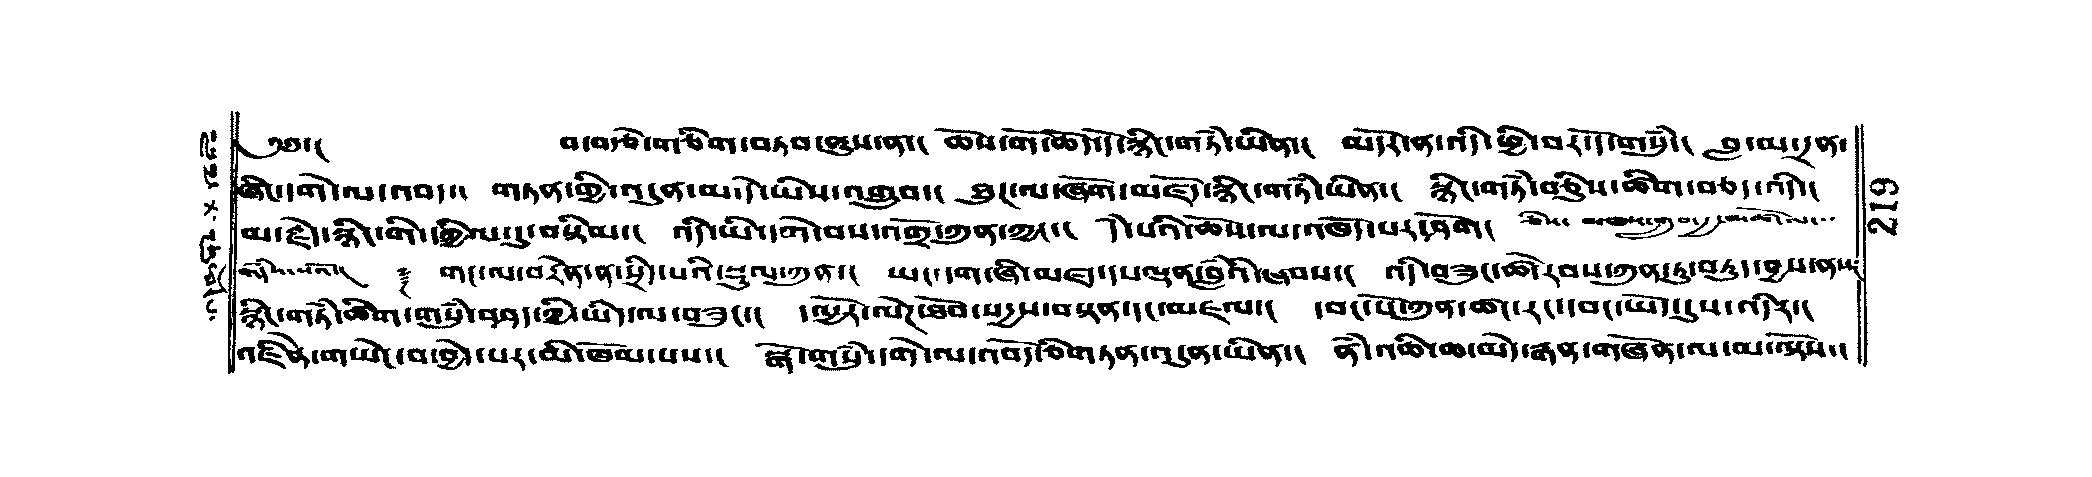བ་རྩེ་གཅིག་བཏབ་ནུས་ན། །ཆོས་གོ་ཆོད་དོ་སྙིང་གཏམ་ཡིན། །མདོར་ན་འདི་ཕྱི་བར་དོ་གསུམ། །བླ་མ་དྲན་
ཞིང་དགེ་ལ་འབད། །གཏན་གྱི་འདུན་མ་དེ་ཡིས་འགྲུབ། །ཐུགས་ལ་ཞོག་མཛོད་སྙིང་གཏམ་ཡིན། །སྙིང་གཏམ་བཅུ་གཉིས་ཚིགས་བཅད་འདི། །
མ་བརྗེད་སྙིང་གི་དཀྱིལ་དུ་བསྟིམ། །འདི་ཡི་དགེ་བས་འགྲོ་ཀུན་ཀྱང་། །དམ་པའི་ཆོས་ལ་འཁོད་པར་ཤོགཅེས་མཁས་གྲུབ་རྒྱ་མཚོ་ལ་
གདམས་པའོ།། ༈ གང་ལ་བརྟེན་ན་སྲིད་པའི་སྡུག་བསྔལ་ཀུན། །ཡང་དག་ཞི་མཛད་དཔལ་ལྡན་བླ་མའི་ཞབས། །འདི་བཟུང་ཚེ་རབས་ཀུན་ཏུ་བཏུད་བྱས་ནས། །
སྙིང་གཏམ་ཚིག་གསུམ་བཤད་ཀྱི་ཡིད་ལ་བཟུང་། །དལ་འབྱོར་ལེགས་ཐོབ་སངས་རྒྱས་བསྟན་དང་མཇལ། །དབང་པོ་ཀུན་ཚང་རང་དབང་ཡོད་དུས་འདིར། །
འཇིག་རྟེན་གཡེང་བ་བྱེད་པར་མི་ཁོམ་པས། །སྒོ་གསུམ་དགེ་ལ་འབོད་ཅིག་གཏན་འདུན་ཡིན། །ནམ་འཆི་ཆ་མེད་རྒན་གཞོན་ལ་མ་ལྟོས།